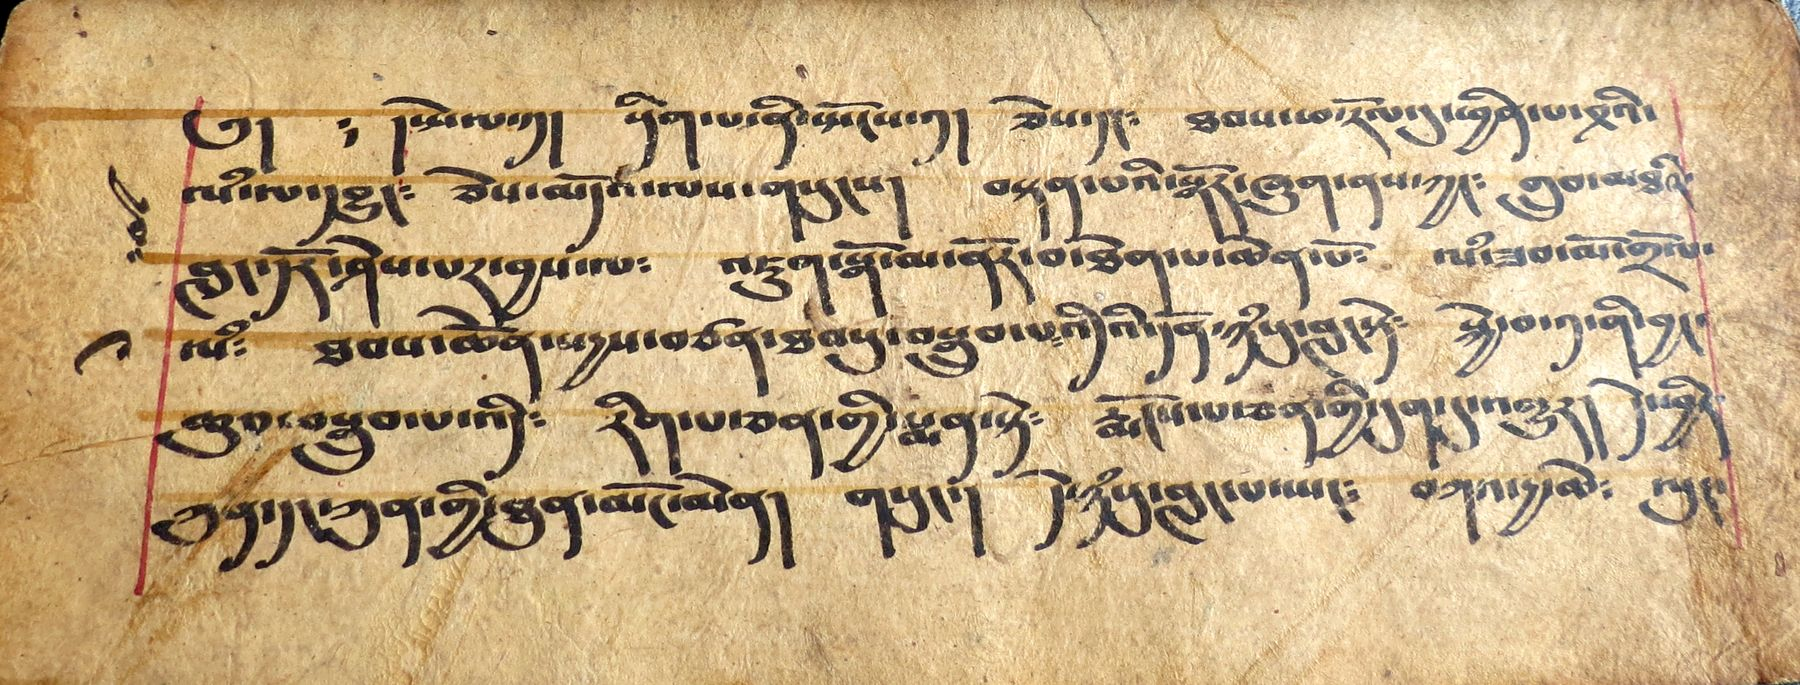སྤེལ་ཅིག སྡིག་པ་ནི་སྤོངས་ཤིག ཅེས་དང་ཐབས་ཕ་རོལ་ཏུ་ཕྱིན་པ་བཅུའི་
ལམ་ལ་དབྱུང་། ཞེས་མདོ་ལས་གསུངས། བསྟན་པའི་སྒོར་ཞུགས་ནས་ཀྱང་། གྲུབ་མཐའི་
བླང་དོར་ཤེས་པར་བྱས་ལ། འཇུག་སྒོ་མ་ནོར་བར་ཐེག་པ་ཆེན་པོ། ལམ་ཟབ་མོ་གྲོལ་
ལམ། ཐབས་ཆེན་པོ་སངས་རྒྱས་བཙན་ཐབས་སུ་སྒྲུབ་པ་འདིའི་དོན་ཉམས་སུ་བླང་སྟེ། སྐྱེ་བ་གཅིག་གིས་བྱང་
ཆུབ་སྒྲུབ་པ་འདི། རིག་པ་ཅན་གྱི་སྨན་ཡིན་ཏེ། རྨོངས་པ་ཅན་གྱི་དུག་ཏུ་འགྱུར། དེ་ཕྱིར་
ཀུན་དང་ཀུན་གྱི་ཐུན་མོང་མིན་གསུངས། དེ་ཉམས་སུ་ལེན་པ་ཡང་། བཀའ་རྒྱ་ཆེ། ལུང་